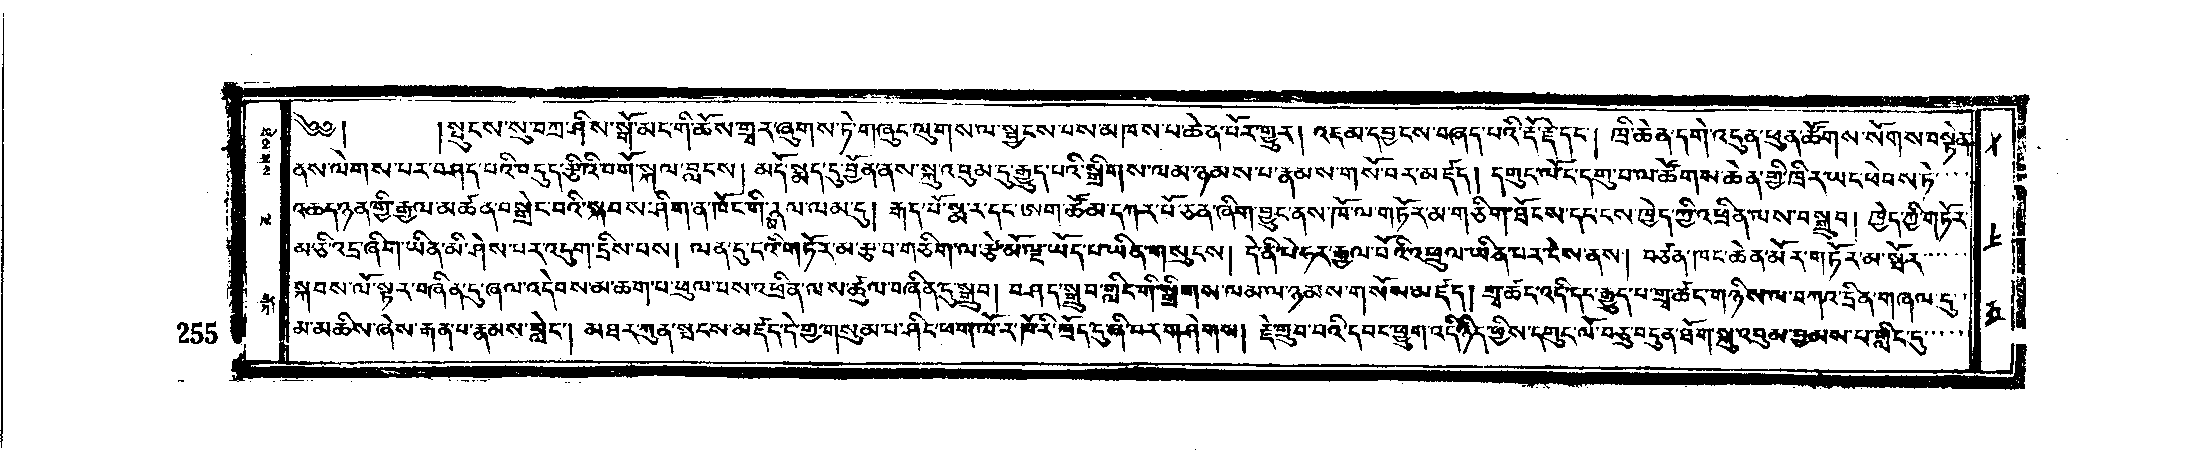༄༅། །སྤུངས་སུ་བཀྲ་ཤིས་སྒོ་མང་གི་ཆོས་གྲྭར་ཞུགས་ཏེ་གཞུང་ལུགས་ལ་སྦྱངས་པས་མཁས་པ་ཆེན་པོར་གྱུར། འཇམ་དབྱངས་བཞད་པའི་རྡོ་རྗེ་དང་། ཁྲི་ཆེན་དགེ་འདུན་ཕུན་ཚོགས་སོགས་བསྟེན་
ནས་ལེགས་པར་བཤད་པའི་བདུད་རྩིའི་བགོ་སྐལ་བླངས། མདོ་སྨད་དུ་བྱོན་ནས་སྐུ་འབུམ་དུ་རྒྱུད་པའི་སྒྲིགས་ལམ་ཉམས་པ་རྣམས་གསོ་བར་མཛད། དགུང་ལོང་དགུ་པ་ལ་ཚོགས་ཆེན་གྱི་ཁྲིར་ཡང་ཕེབས་ཏེ་
འཆད་ཉན་གྱི་རྒྱལ་མཚན་བསྒྲེང་བའི་སྐབས་ཤིག་ན་ཁོང་གི་མནལ?་ལམ་དུ། རྒད་པོ་སྨ་ར་དང་ཨག་ཚོམ་དཀར་པོ་ཅན་ཞིག་བྱུང་ནས་ཁོ་ལ་གཏོར་མ་གཅིག་ཐོངས་དང་ངས་ཁྱེད་ཀྱི་འཕྲིན་ལས་བསྒྲུབ། ཁྱེད་ཀྱི་གཏོར་
མ་ཅི་འདྲ་ཞིག་ཡིན་མི་ཤེས་པར་འདུག་དྲིས་པས། ལན་དུ་ངའི་གཏོར་མ་རྩ་བ་གཅིག་ལ་རྩེ་མོ་ལྔ་ཡོད་པ་ཡིན་གསུངས། དེ་ནི་པེ་ཧར་རྒྱལ་པོའི་འཕྲུལ་ཡིན་པར་ངེས་ནས། བཙན་ཁང་ཆེན་མོར་གཏོར་མ་སྦོར་
སྐབས་ལོ་སྟར་བཞིན་དུ་ཞལ་འདེབས་མ་ཆག་པ་ཕུལ་པས་འཕྲིན་ལས་ཚུལ་བཞིན་དུ་སྒྲུབ། བཤད་སྒྲུབ་གླིང་གི་སྒྲིགས་ལམ་ལ་ཉམས་གསོས་མཛད། གྲྭ་ཚང་འདི་དང་རྒྱུད་པ་གྲྭ་ཚང་གཉིས་ལ་བཀའ་དྲིན་གཞལ་དུ་
མ་མཆིས་ཞེས་རྒན་པ་རྣམས་གླེང་། མཐར་ཀུན་སྤངས་མཛད་དེ་གྱ་གསུམ་པ་ཤིང་ཕག་ལོ་ར་ཁོ་རི་ཁྲོད་དུ་ཞི་བར་གཤེགས། རྗེ་གྲུབ་པའི་དབང་ཕྱུག་འདི་ཉིད་ཕྱིས་དགུང་ལོ་བཅུ་བདུན་ཐོག་སྐུ་འབུམ་བྱམས་པ་གླིང་དུ་